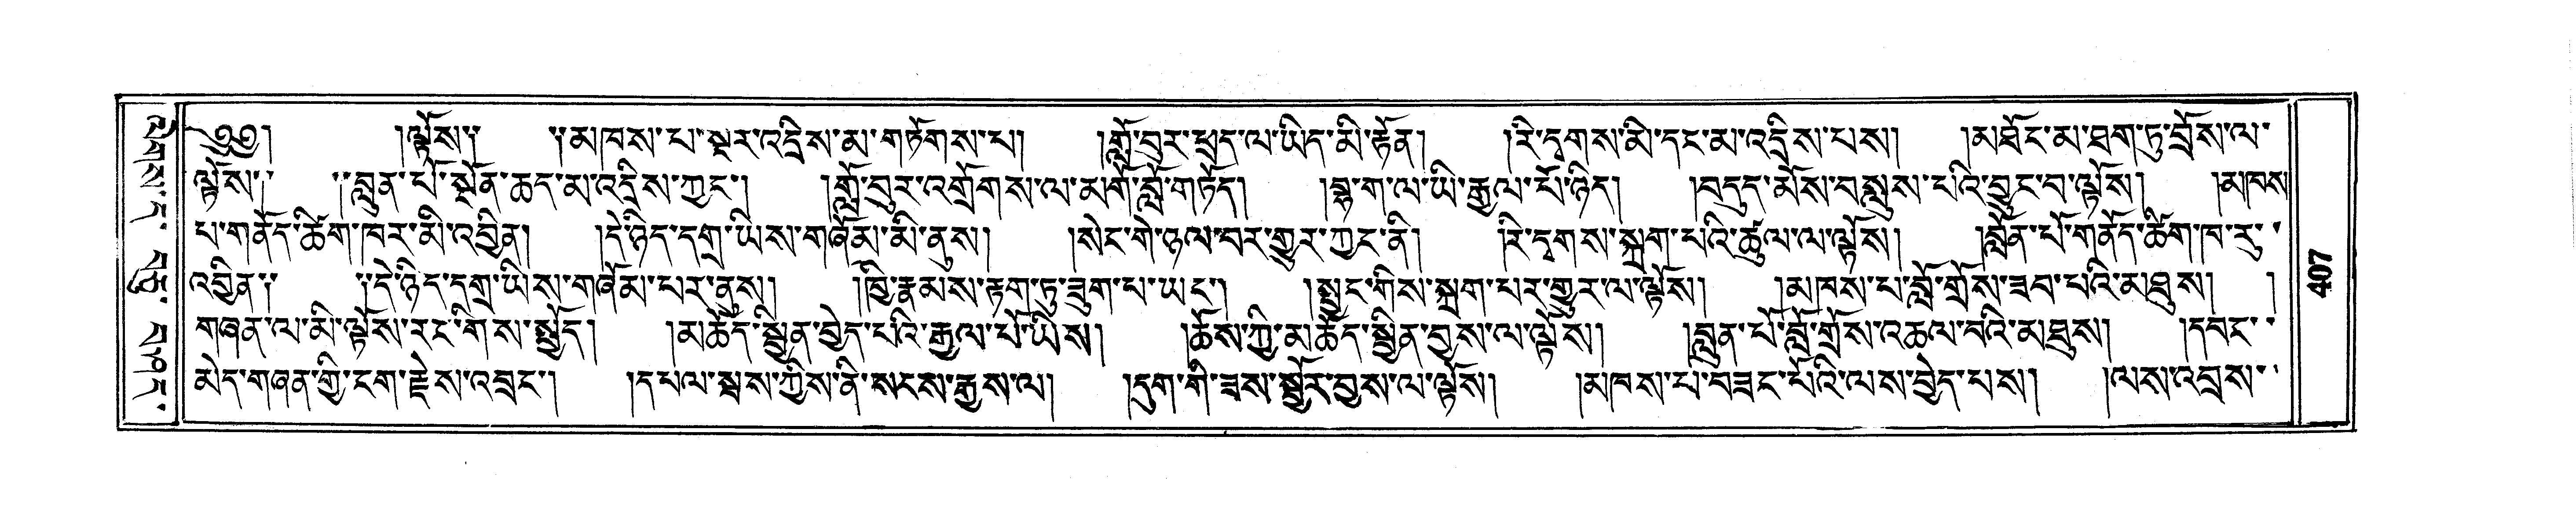༄༅། །ལྟོས༑ ༑མཁས་པ་སྔར་འདྲིས་མ་གཏོགས་པ། །གློ་བུར་ཕྲད་ལ་ཡིད་མི་རྟོན། །རི་དྭགས་མི་དང་མ་འདྲིས་པས། །མཐོང་མ་ཐག་ཏུ་བྲོས་ལ་
ལྟོས༑ ༑བླུན་པོ་སྔོན་ཆད་མ་འདྲིས་ཀྱང་། །གློ་བུར་འགྲོགས་ལ་མགོ་བློ་གཏོད། །བྷ་ག་ལ་ཡི་རྒྱལ་པོ་ཉིད། །བདུད་མོས་བསླུས་པའི་བྱུང་བ་ལྟོས། །མཁས་
པ་གནོད་ཚིག་ཁར་མི་འབྱིན། །དེ་ཉིད་དགྲ་ཡིས་གཞོམ་མི་ནུས། །སེང་གེ་ཉལ་བར་གྱུར་ཀྱང་ནི། །རི་དྭགས་སྐྲག་པའི་ཚུལ་ལ་ལྟོས། །བློན་པོ་གནོད་ཚིག་ཁ་རུ་
འབྱིན༑ ༑དེ་ཉིད་དགྲ་ཡིས་གཞོམ་པར་ནུས། །ཁྱི་རྣམས་རྟག་ཏུ་ཟུག་པ་ཡང་། །སྤྱང་གིས་སྐྲག་པར་གྱུར་ལ་ལྟོས། །མཁས་པ་བློ་གྲོས་ཟབ་པའི་མཐུས། །
གཞན་ལ་མི་ལྟོས་རང་གིས་སྤྱོད། །མཆོད་སྦྱིན་བྱེད་པའི་རྒྱལ་པོ་ཡིས། །ཆོས་ཀྱི་མཆོད་སྦྱིན་བྱས་ལ་ལྟོས། །བླུན་པོ་བློ་གྲོས་འཆལ་བའི་མཐུས། །དབང་
མེད་གཞན་གྱི་ངག་རྗེས་འབྲང་། །དཔལ་སྦས་ཀྱིས་ནི་སངས་རྒྱས་ལ། །དུག་གི་ཟས་སྦྱོར་བྱས་ལ་ལྟོས། །མཁས་པ་བཟང་པོའི་ལས་བྱེད་པས། །ལས་འབྲས་